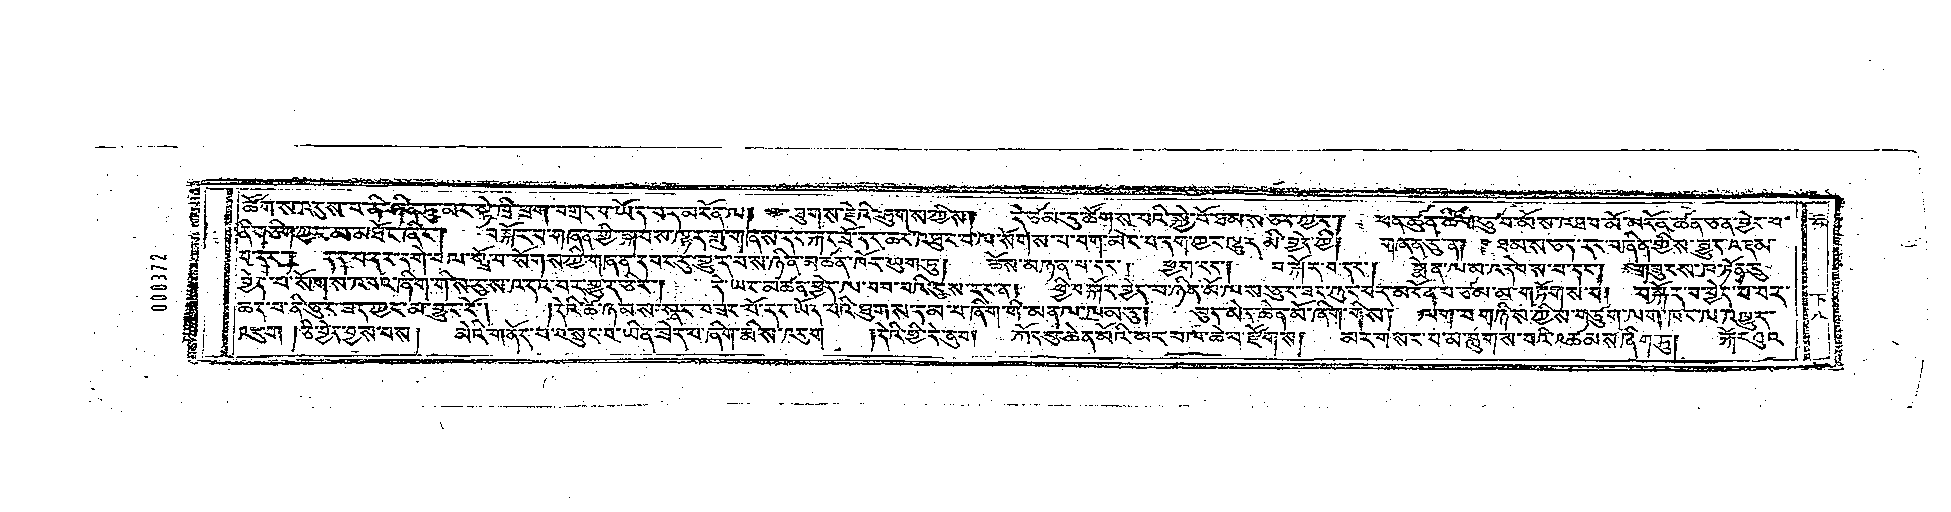ཚོགས་འདུས་པ་ནི་ཤིན་ཏུ་མང་སྟེ་ཁྲི་ཕྲག་བགྲང་བ་ཡོད་བར་མངོན་ལ། ཐུགས་རྗེའི་ཤུགས་ཀྱིས། དེ་ཙམ་དུ་ཚོགས་པའི་སྐྱེ་བོ་ཐམས་ཅད་ཀྱང་། ཕན་ཚུན་ཚིག་ཙུབ་མོས་འཐབ་མོ་མངོན་ཚན་ཅན་བྱེད་པ་
ནི་གཅིག་ཀྱང་མ་མཐོང་ཞིང་། བསྐོར་བ་གཞན་གྱི་སྐབས་ལྟར་གླུ་གཞས་དང་རྐང་བྲོ་དང་ཆང་འཐུང་བ་ལ་སོགས་པ་བག་མེད་པ་དག་ཀྱང་ལྷུར་མི་བྱེད་ཀྱི། གཞན་དུ་ན། ཐམས་ཅད་རང་བཞིན་གྱིས་རྒྱུད་འཇམ་
པ་དང་། དད་པ་རང་དགེ་བ་ལ་སྤྲོ་བ་སོགས་ཀྱི་གཞན་དབང་དུ་གྱུར་པས་ཉིན་མཚན་ཁོར་ཡུག་ཏུ། ཆོས་མཉན་པ་དང་། ཕྱག་དང་། བསྐོར་བ་དང་། སྨོན་ལམ་འདེབས་པ་དང་། གཟུངས་ཁ་ཏོན་དུ་
བྱེད་པ་སོགས་འབའ་ཞིག་གིས་དུས་འདའ་བར་གྱུར་ཅིང་། དེ་ཡང་མཚན་ཕྱེད་ལ་བབ་པའི་དུས་རང་ན། ཕྱི་བསྐོར་བྱེད་བ་ཉིན་མོ་ལས་ཅུང་ཟད་ཉུང་བར་མངོན་པ་ཙམ་མ་གཏོགས་པ། བསྐོར་བ་བྱེད་པ་བར་
ཆད་པ་ནི་ཅུང་ཟད་ཀྱང་མ་བྱུང་ངོ། །དེའི་ཚེ་ཉམས་སྣང་བཟང་པོ་རང་ཡོད་པའི་ཐུགས་དམ་པ་ཞིག་གི་མནལ་ལམ་དུ། བུད་མེད་ཆེན་མོ་ཞིག་གིས། ལག་པ་གཉིས་ཀྱིས་གཙུག་ལག་ཁང་ལ་འཁྱུད་
འདུག །ཅི་བྱེད་བྱས་པས། མེའི་གནོད་པ་བསྲུང་བ་ཡིན་བྲེར་བ་ཞིག་རྨིས་འདུག །དེའི་ཕྱི་དེ་ནུབ། ཀོང་བུ་ཆེན་མོའི་མར་ཕལ་ཆེ་བ་རྫོགས། མར་གསར་པ་མ་བླུགས་པའི་འཚམས་ཞིག་ཏུ། རྐོང་བུའི་